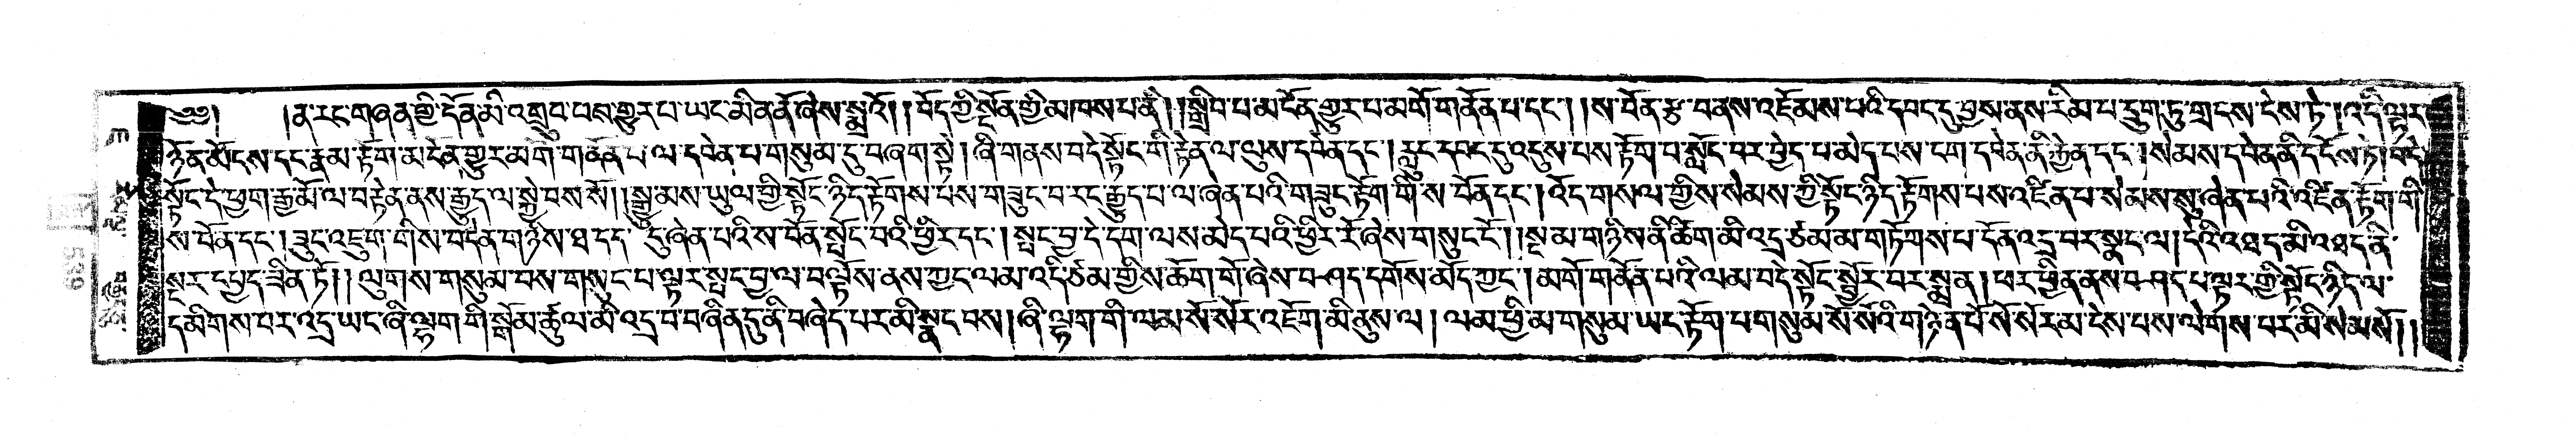༄༅། །ན་རང་གཞན་གྱི་དོན་མི་འགྲུབ་པས་ཉུང་བ་ཡང་མིན་ནོ་ཞེས་སྨྲའོ། །བོད་ཀྱི་སྔོན་གྱི་མཁས་པ་ནི། །སྒྲིབ་པ་མངོན་གྱུར་པ་མགོ་གནོན་པ་དང་། །ས་བོན་རྩ་བ་ནས་འཇོམས་པའི་དབང་དུ་བྱས་ནས་རིམ་པ་དྲུག་ཏུ་གྲངས་ངེས་ཏེ། འདི་ལྟར་
ཉོན་མོངས་དང་རྣམ་རྟོག་མངོན་གྱུར་མགོ་གནོན་པ་ལ་དབེན་པ་གསུམ་དུ་བཞག་སྟེ། ཞི་གནས་བདེ་སྟོང་གི་རྟེན་ལ་ལུས་དབེན་དང་། རླུང་དབང་དུ་འདུས་པས་རྟོག་པ་སློང་བར་བྱེད་པ་མེད་པས་ངག་དབེན་ནི་རྐྱེན་དང་། སེམས་དབེན་ནི་དངོས་ཏེ། བདེ་
སྟོང་དེ་ཕྱག་རྒྱ་མོ་ལ་བརྟེན་ནས་རྒྱུད་ལ་སྐྱེ་བས་སོ། །སྒྱུ་མས་ཡུལ་གྱི་སྟོང་ཉིད་རྟོགས་པས་གཟུང་བ་རང་རྒྱུད་པ་ལ་ཞེན་པའི་གཟུང་རྟོག་གི་ས་བོན་དང་། འོད་གསལ་གྱིས་སེམས་ཀྱི་སྟོང་ཉིད་རྟོགས་པས་འཛིན་པ་སེམས་སུ་ཞེན་པའི་འཛིན་རྟོག་གི་
ས་བོན་དང་། ཟུང་འཇུག་གིས་བདེན་གཉིས་ཐ་དད་དུ་ཞེན་པའི་ས་བོན་སྤོང་བའི་ཕྱིར་དང་། སྤང་བྱ་དེ་དག་ལས་མེད་པའི་ཕྱིར་རོ་ཞེས་གསུང་ངོ། །སྔ་མ་གཉིས་ནི་ཚིག་མི་འདྲ་ཙམ་མ་གཏོགས་པ་དོན་འདྲ་བར་སྣང་ལ། དེའི་འཐད་མི་འཐད་ནི་
སྔར་དཔྱད་ཟིན་ཏོ། །ལུགས་གསུམ་པས་གསུང་པ་ལྟར་སྤང་བྱ་ལ་བལྟོས་ནས་ཀྱང་ལམ་འདི་ཙམ་གྱིས་ཆོག་གོ་ཞེས་བཤད་དགོས་མོད་ཀྱང་། མགོ་གནོན་པའི་ལམ་བདེ་སྟོང་སྦྱོར་བར་སྨྲ་ན། ཕར་ཕྱིན་ནས་བཤད་པ་ལྟར་གྱི་སྟོང་ཉིད་ལ་
དམིགས་པར་འདྲ་ཡང་ཞི་ལྷག་གི་སྒོམ་ཚུལ་མི་འདྲ་བ་བཞིན་དུ་ནི་བཞེད་པར་མི་སྣང་བས། ཞི་ལྷག་གི་ལམ་སོ་སོར་འཇོག་མི་ནུས་ལ། ལམ་ཕྱི་མ་གསུམ་ཡང་རྟོག་པ་གསུམ་སོ་སོའི་གཉེན་པོ་སོ་སོར་མ་ངེས་པས་ལེགས་པར་མི་སེམས་སོ། །